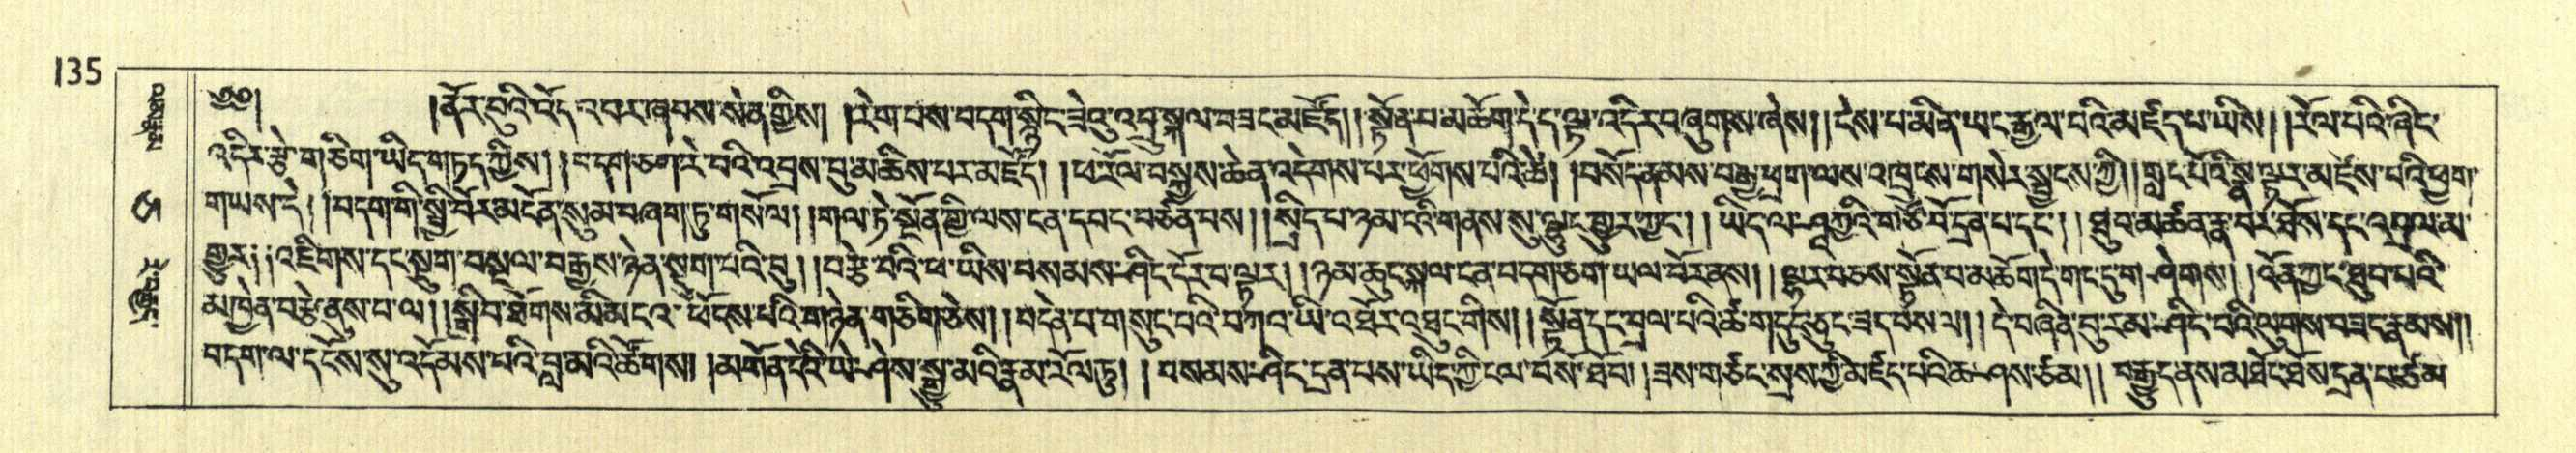༄༅། །ནོར་བུའི་འོད་འབར་ཞབས་སེན་གྱིས། །རེག་པས་བདག་སྙིང་ཟེའུ་འབྲུ་སྐལ་བཟང་མཛོད། །སྟོན་པ་མཆོག་དེ་ད་ལྟ་འདིར་བཞུགས་ཞེས། །ངེས་པ་མིན་ཡང་རྒྱལ་བའི་མཛད་པ་ཡིས། །རོལ་པའི་ཞིང་
འདིར་རྩེ་གཅིག་ཡིད་གཏད་ཀྱིས། །བདག་ཅག་རེ་བའི་འབྲས་བུ་མཆིས་པར་མཛོད། །ཕ་རོལ་བསྐྱས་ཆེན་འདེགས་པར་ཕྱོགས་པའི་ཚེ། །བསོད་ཉམས་བརྒྱ་ཕྲག་ལས་འཁྲུངས་གསེར་སྦྱངས་ཀྱི། །གླང་པོའི་སྣ་ལྟར་མཛེས་པའི་ཕྱག་
གཡས་དེ། །བདག་གི་སྤྱི་བོར་མངོན་སུམ་བཞག་ཏུ་གསོལ། །གལ་ཏེ་སྔོན་གྱི་ལས་ངན་དབང་བཙན་པས། །སྲིད་པ་ཉམ་ངའི་གནས་སུ་ལྷུང་གྱུར་ཀྱང་། །ཡིད་ལ་ཤཱཀྱའི་གཙོ་བོ་དྲན་པ་དང་། །ཐུབ་མཚན་རྣ་བར་ཐོས་དང་འབྲལ་མ་
གྱུར༑ ༑འཇིགས་དང་སྡུག་བསྔལ་བརྒྱས་ཉེན་སྡུག་པའི་བུ། །བརྩེ་བའི་ཕ་ཡིས་བསམས་ཤིང་དོར་བ་ལྟར། །ཉམ་ཆུང་སྐལ་ངན་བདག་ཅག་ཡལ་བོར་ནས། །ལྷར་བཅས་སྟོན་པ་མཆོག་དེ་གང་དུ་གཤེགས། །འོན་ཀྱང་ཐུབ་པའི་
མཁྱེན་བརྩེ་ནུས་པ་ལ། །སྒྲིབ་ཐོགས་མི་མངའ་ཕོངས་པའི་གཉེན་གཅིག་ཅེས། །བདེན་པ་གསུང་བའི་བཀའ་ཡི་འཐོར་འཐུང་གིས། །སྟོན་དང་བྲལ་པའི་ཚ་གདུང་ཅུང་ཟད་བསལ། །དེ་བཞིན་བུ་རམ་ཤིང་བའི་ལུགས་བཟང་རྣམས།།
བདག་ལ་དངོས་སུ་འདོམས་པའི་བླ་མའི་ཚོགས། །མགོན་དེའི་ཡེ་ཤེས་སྒྱུ་མའི་རྣམ་རོལ་ཏུ། །བསམས་ཤིང་དྲན་པས་ཡིད་ཀྱི་ངལ་བས་ཐོབ། །ཟས་གཙང་སྲས་ཀྱི་མཛད་པའི་ཆ་ཤས་ཙམ། །བརྒྱུད་ནས་མཐོང་ཐོས་དྲན་པ་ཙམ་